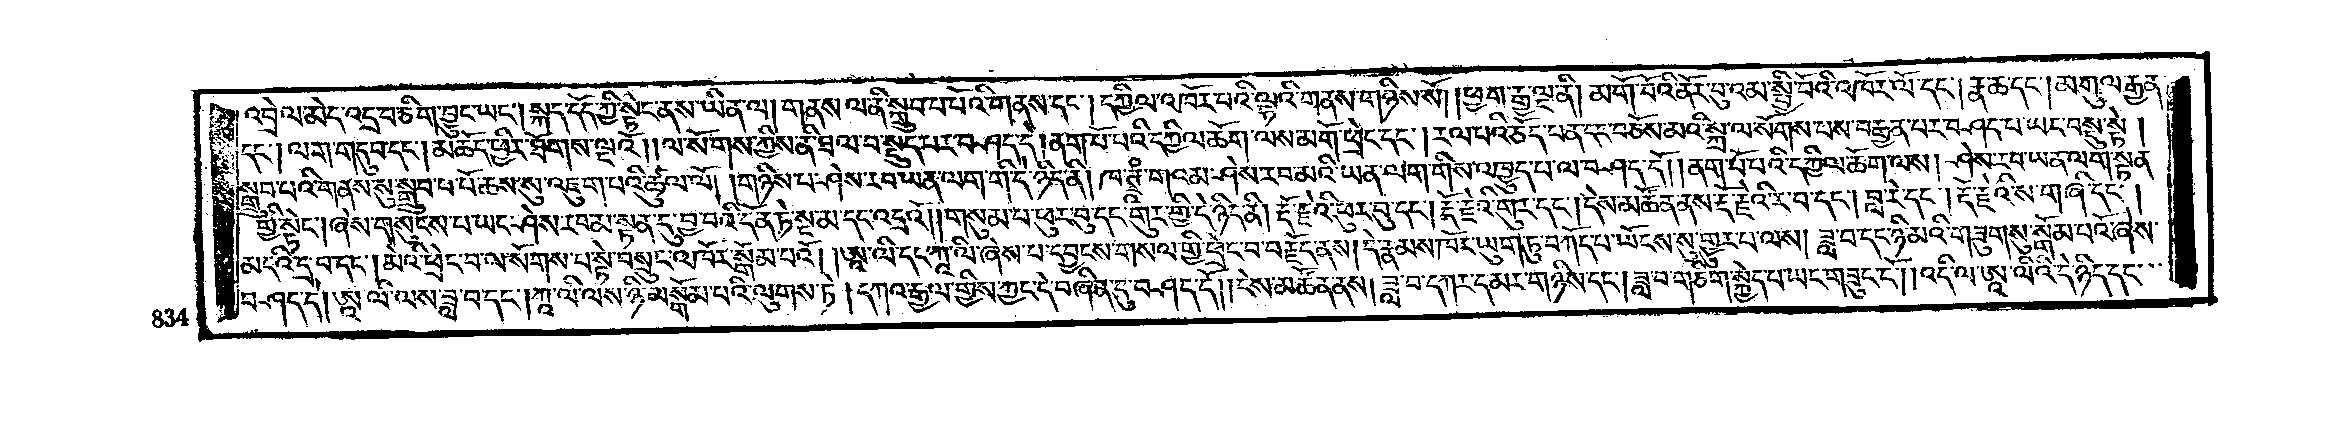འབྲེལ་མེད་འདྲ་བ་ཅིག་བྱུང་ཡང་། སྐད་དོད་ཀྱི་སྟེང་ནས་ཡིན་ལ། གནས་ལ་ནི་སྒྲུབ་པ་པོའི་གནས་དང་། དཀྱིལ་འཁོར་པའི་ལྷའི་གནས་གཉིས་སོ། །ཕྱག་རྒྱ་ལྔ་ནི། མགོ་བོའི་ནོར་བུ་འམ་སྤྱི་བོའི་འཁོར་ལོ་དང་། རྣ་ཆ་དང་། མགུལ་རྒྱན་
དང་། ལག་གདུབ་དང་། མཆོད་ཕྱིར་ཐོགས་ལྔའོ། །ལ་སོགས་ཀྱིས་ནི་ཐལ་བ་སྡུད་པར་བཤད་དེ། ནག་པོ་པའི་དཀྱིལ་ཆོག་ལས་མགོ་ཕྲེང་དང་། རལ་པའི་ཅོད་པན་དང་བཅོས་མའི་སྐྲ་ལ་སོགས་པས་བརྒྱན་པར་བཤད་པ་ཡང་བསྡུ་སྟེ།
སྒྲུབ་པའི་གནས་སུ་སྒྲུབ་པ་པོ་ཆོས་སུ་འཇུག་པའི་ཚུལ་ལོ། །གཉིས་པ་ཤེས་རབ་ཡན་ལག་གི་དེ་ཉིད་ནི། ཁ་ཊྭཾ་གའམ་ཤེས་རབ་མའི་ཡན་ལག་གིས་འཁྱུད་པ་ལ་བཤད་དོ། །ནག་པོ་པའི་དཀྱིལ་ཆོག་ལས། ཤེས་རབ་ཡན་ལག་སྟན་
གྱི་སྟེང་། ཞེས་གསུངས་པ་ཡང་ཤེས་རབ་མ་སྟན་དུ་བྱ་བའི་དོན་ཏེ་སྔ་མ་དང་འདྲའོ། །གསུམ་པ་ཕུར་བུ་དང་གུར་གྱི་དེ་ཉིད་ནི། རྡོ་རྗེའི་ཕུར་བུ་དང་། རྡོ་རྗེའི་གུར་དང་། དེས་མཚོན་ནས་རྡོ་རྗེའི་ར་བ་དང་། བླ་རེ་དང་། རྡོ་རྗེའི་ས་གཞི་དང་།
མདའི་དྲ་བ་དང་། མེའི་ཕྲེང་བ་ལ་སོགས་པ་སྟེ་བསྲུང་འཁོར་སྒོམ་པའོ། །ཨཱ་ལི་དང་ཀཱ་ལི་ཞེས་པ་དབྱངས་གསལ་གྱི་ཕྲེང་བ་བརྗོད་ནས། དེ་རྣམས་ཁོར་ཡུག་ཏུ་བཀོད་པ་ཡོངས་སུ་གྱུར་པ་ལས། ཟླ་བ་དང་ཉི་མའི་གཟུགས་སུ་སྒོམ་པའོ་ཞེས་
བཤད་དེ། ཨཱ་ལི་ལས་ཟླ་བ་དང་། ཀཱ་ལི་ལས་ཉི་མ་སྒོམ་པའི་ལུགས་ཏེ། དཀའ་རྒྱལ་གྱིས་ཀྱང་དེ་བཞིན་དུ་བཤད་དོ། །དེས་མཚོན་ནས། ཟླ་བ་དཀར་དམར་གཉིས་དང་། ཟླ་བ་གཅིག་སྐྱེད་པ་ཡང་གཟུང་ངོ། །འདི་ལ་ཨཱ་ལིའི་དེ་ཉིད་དང་